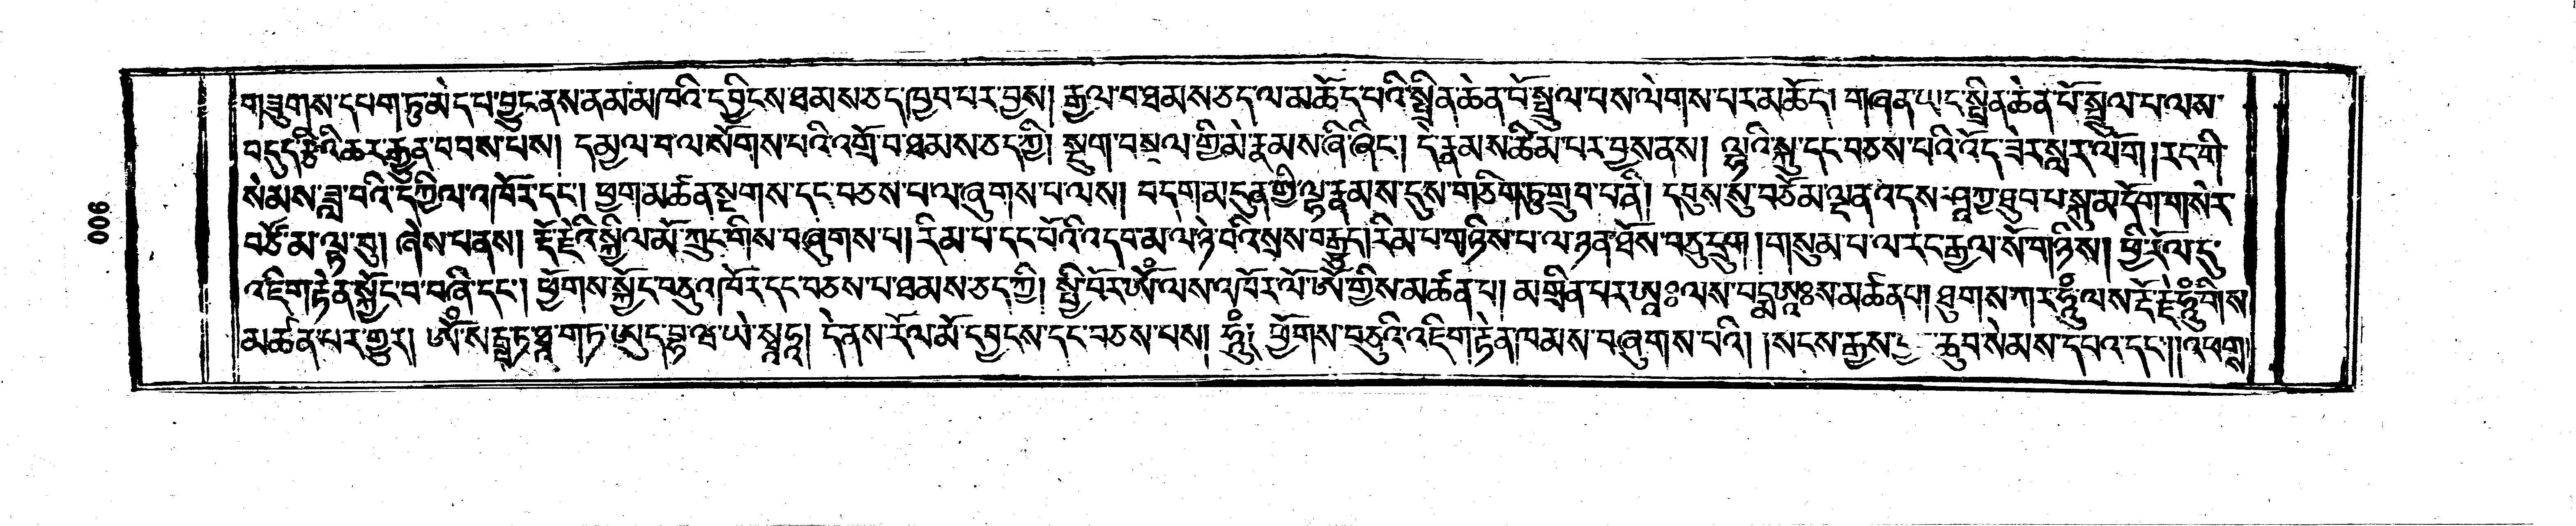གཟུགས་དཔག་ཏུ་མེད་པ་བྱུང་ནས་ནམ་མཁའི་དབྱིངས་ཐམས་ཅད་ཁྱབ་པར་བྱས། རྒྱལ་བ་ཐམས་ཅད་ལ་མཆོད་པའི་སྤྲིན་ཆེན་པོ་སྤྲུལ་པས་ལེགས་པར་མཆོད། གཞན་ཡང་སྤྲིན་ཆེན་པོ་སྤྲུལ་པ་ལས་
བདུད་རྩིའི་ཆར་རྒྱུན་བབས་པས། དམྱལ་བ་ལ་སོགས་པའི་འགྲོ་བ་ཐམས་ཅད་ཀྱི། སྡུག་བསྔལ་གྱི་མེ་རྣམས་ཞི་ཞིང་། དེ་རྣམས་ཚིམ་པར་བྱས་ནས། ལྷའི་སྐུ་དང་བཅས་པའི་འོད་ཟེར་སླར་ལོག །རང་གི་
སེམས་ཟླ་བའི་དཀྱིལ་འཁོར་དང་། ཕྱག་མཚན་སྔགས་དང་བཅས་པ་ལ་ཞུགས་པ་ལས། བདག་མདུན་གྱི་ལྷ་རྣམས་དུས་གཅིག་ཏུ་གྲུབ་པ་ནི། དབུས་སུ་བཅོམ་ལྡན་འདས་ཤཱཀྱ་ཐུབ་པ་སྐུ་མདོག་གསེར་
བཙོ་མ་ལྟ་བུ། ཞེས་པ་ནས། རྡོ་རྗེའི་སྐྱིལ་མོ་ཀྲུང་གིས་བཞུགས་པ། རིམ་པ་དང་པོའི་འདབ་མ་ལ་ཉེ་བའི་སྲས་བརྒྱད། རིམ་པ་གཉིས་པ་ལ་ཉན་ཐོས་བཅུ་དྲུག །གསུམ་པ་ལ་རང་རྒྱལ་སོ་གཉིས། ཕྱི་རོལ་དུ་
འཇིག་རྟེན་སྐྱོང་བ་བཞི་དང་། ཕྱོགས་སྐྱོང་བཅུ་འཁོར་དང་བཅས་པ་ཐམས་ཅད་ཀྱི། སྤྱི་བོར་ཨོཾ་ལས་འཁོར་ལོ་ཨོཾ་གྱིས་མཚན་པ། མགྲིན་པར་ཨཱཿ ལས་པདམ་ཨཱཿ ས་མཚན་པ། ཐུགས་ཀར་ཧཱུཾ་ལས་རྡོ་རྗེ་ཧཱུཾ་གིས་
མཚན་པར་གྱུར། ཨོཾ་སརྦྦ་ཏ་ཐཱ་ག་ཏ་ཨུད་བྷ་ཝ་ཡེ་སྭཱཧཱ། དེ་ནས་རོལ་མོ་དབྱངས་དང་བཅས་པས། ཧཱུཾ༑ ཕྱོགས་བཅུའི་འཇིག་རྟེན་ཁམས་བཞུགས་པའི། །སངས་རྒྱས་བྱང་ཆུབ་སེམས་དཔའ་དང་། །འཕགས་